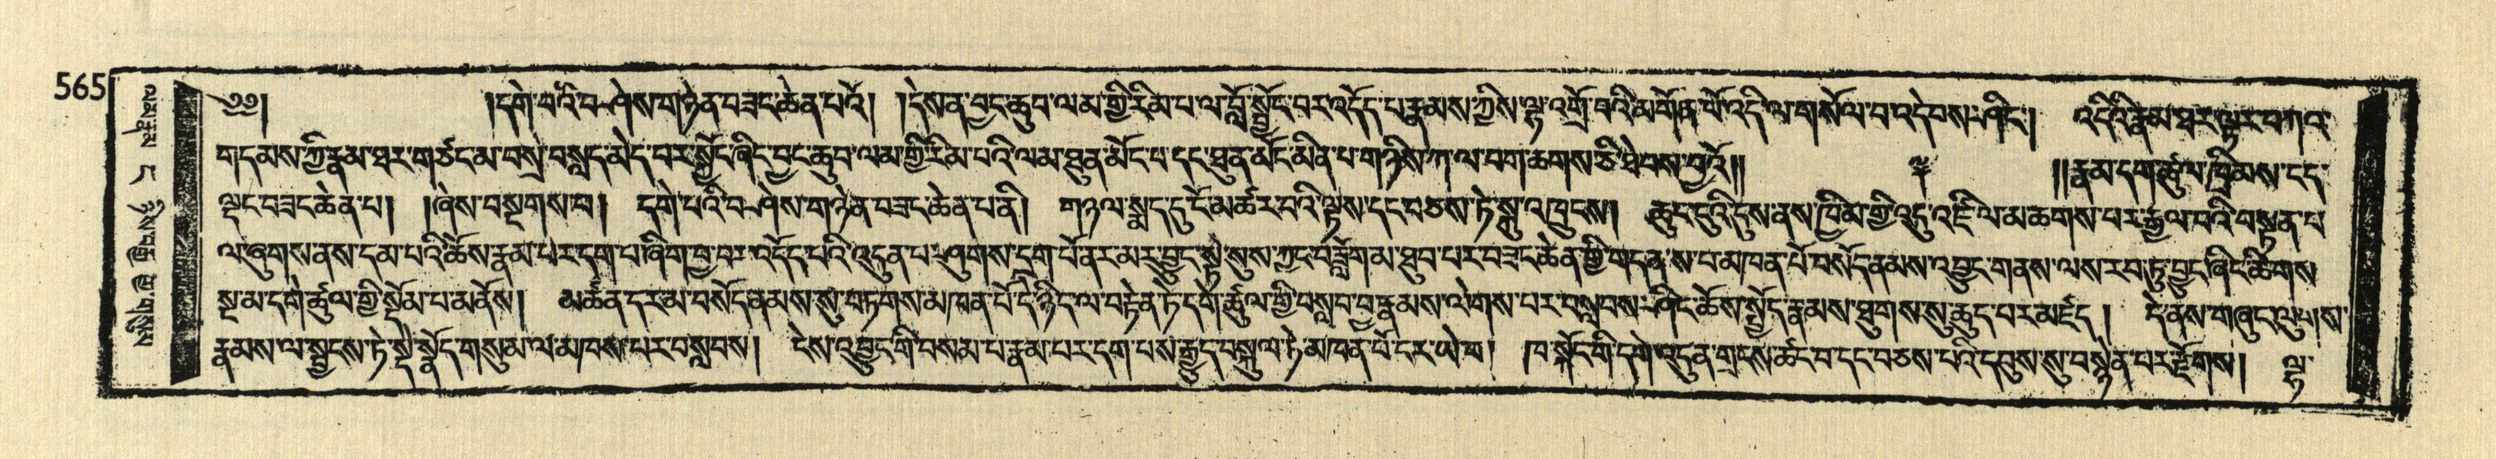༄༅། །དགེ་བའི་བཤེས་གཉེན་བཟང་ཆེན་པའོ། །དེས་ན་བྱང་ཆུབ་ལམ་གྱི་རིམ་པ་ལ་བློ་སྦྱོང་བར་འདོད་པ་རྣམས་ཀྱིས་ལྷ་འགྲོ་བའི་མགོན་པོ་འདི་ལ་གསོལ་བ་འདེབས་ཤིང་། འདིའི་རྣམ་ཐར་ལྟར་བཀའ་
གདམས་ཀྱི་རྣམ་ཐར་གཙང་མ་བསྲེ་བསླད་མེད་པར་སྐྱོང་ཞིང་བྱང་ཆུབ་ལམ་གྱི་རིམ་པའི་ལམ་ཐུན་མོང་པ་དང་ཐུན་མོང་མིན་པ་གཉིས་ཀ་ལ་བག་ཆགས་ཅི་ཐེབས་བྱའོ།། ༈ །།རྣམ་དག་ཚུལ་ཁྲིམས་ངད་
ལྡང་བཟང་ཆེན་པ། །ཞེས་བསྔགས་བ། དགེ་པའི་བཤེས་གཉེན་བཟང་ཆེན་པ་ནི། གཉལ་སྨད་དུ་ངོ་མཚར་བའི་ལྟས་དང་བཅས་ཏེ་སྐུ་འཁྲུངས། ཆུང་དུའི་དུས་ནས་ཁྱིམ་གྱི་འདུ་འཛི་ལ་མ་ཆགས་པར་རྒྱལ་བའི་བསྟན་པ་
ལ་ཞུགས་ནས་དམ་པའི་ཆོས་རྣམ་པར་དག་པ་ཞིག་བྱ་བར་འདོད་པའི་འདུན་པ་ཤུགས་དྲག་པོ་ནར་མར་བྱུང་སྟེ་སུས་ཀྱང་བཟློག་མ་ཐུབ་པར་བཟང་ཆེན་གྱི་གདན་ས་བ་མཁན་པོ་བསོད་ནམས་འབྱུང་གནས་ལས་རབ་ཏུ་བྱུང་ཞིང་ཚིགས་
སྔ་མ་དགེ་ཚུལ་གྱི་སྡོམ་པ་མནོས། མཚན་དར་མ་བསོད་ནམས་སུ་བཏགས་མཁན་པོ་དེ་ཉིད་ལ་བརྟེན་ཏེ་དགེ་ཚུལ་གྱི་བསླབ་བྱ་རྣམས་ལེགས་པར་བསླབས་ཤིང་ཆོས་སྤྱོད་རྣམས་ཐུགས་སུ་ཆུད་པར་མཛད། དེ་ནས་གཞུང་ལུགས་
རྣམས་ལ་སྦྱངས་ཏེ་སྡེ་སྣོད་གསུམ་ལ་མཁས་པར་བསླབས། ངེས་འབྱུང་གི་བསམ་པ་རྣམ་པར་དག་པས་རྒྱུད་བསྐུལ་ཏེ་མཁན་པོ་ངར་ཡེ་བ། ཁ་སྐོང་གི་དགེ་འདུན་གྲངས་ཚང་བ་དང་བཅས་པའི་དབུས་སུ་བསྙེན་པར་རྫོགས། ལྷ་